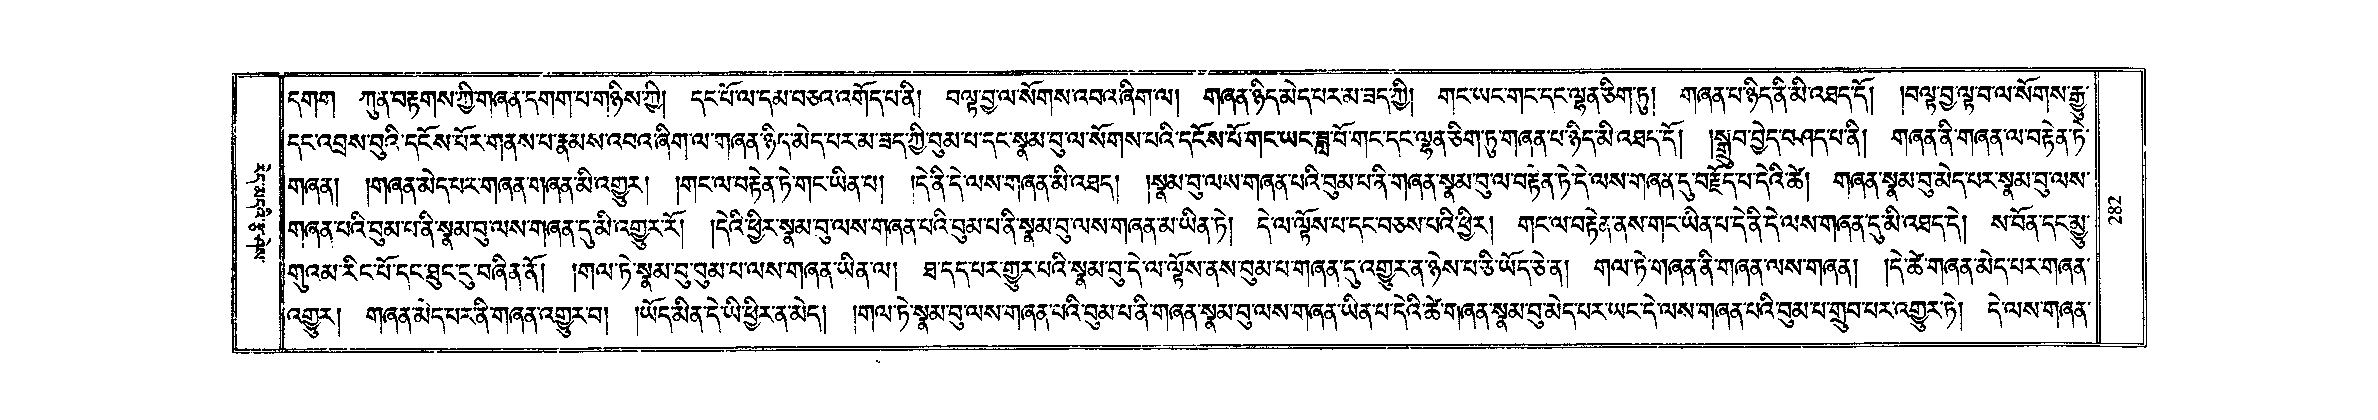དགག་ཀུན་བརྟགས་ཀྱི་གཞན་དགག་པ་གཉིས་ཀྱི། དང་པོ་ལ་དམ་བཅའ་འགོད་པ་ནི། བལྟ་བྱ་ལ་སོགས་འབའ་ཞིག་ལ། གཞན་ཉིད་མེད་པར་མ་ཟད་ཀྱི། གང་ཡང་གང་དང་ལྷན་ཅིག་ཏུ། གཞན་པ་ཉིད་ནི་མི་འཐད་དོ། །བལྟ་བྱ་ལྟ་བ་ལ་སོགས་རྒྱུ་
དང་འབྲས་བུའི་དངོས་པོར་གནས་པ་རྣམས་འབའ་ཞིག་ལ་གཞན་ཉིད་མེད་པར་མ་ཟད་ཀྱི་བུམ་པ་དང་སྣམ་བུ་ལ་སོགས་པའི་དངོས་པོ་གང་ཡང་ཟླ་བོ་གང་དང་ལྷན་ཅིག་ཏུ་གཞན་པ་ཉིད་མི་འཐད་དོ། །སྒྲུབ་བྱེད་བཤད་པ་ནི། གཞན་ནི་གཞན་ལ་བརྟེན་ཏེ་
གཞན། །གཞན་མེད་པར་གཞན་གཞན་མི་འགྱུར། །གང་ལ་བརྟེན་ཏེ་གང་ཡིན་པ། །དེ་ནི་དེ་ལས་གཞན་མི་འཐད། །སྣམ་བུ་ལས་གཞན་པའི་བུམ་པ་ནི་གཞན་སྣམ་བུ་ལ་བརྟེན་ཏེ་དེ་ལས་གཞན་དུ་བརྗོད་པ་དེའི་ཚེ། གཞན་སྣམ་བུ་མེད་པར་སྣམ་བུ་ལས་
གཞན་པའི་བུམ་པ་ནི་སྣམ་བུ་ལས་གཞན་དུ་མི་འགྱུར་རོ། །དེའི་ཕྱིར་སྣམ་བུ་ལས་གཞན་པའི་བུམ་པ་ནི་སྣམ་བུ་ལས་གཞན་མ་ཡིན་ཏེ། དེ་ལ་ལྟོས་པ་དང་བཅས་པའི་ཕྱིར། གང་ལ་བརྟེན་ནས་གང་ཡིན་པ་དེ་ནི་དེ་ལས་གཞན་དུ་མི་འཐད་དེ། ས་བོན་དང་མྱུ་
གུའམ་རིང་པོ་དང་ཐུང་ངུ་བཞིན་ནོ། །གལ་ཏེ་སྣམ་བུ་བུམ་པ་ལས་གཞན་ཡིན་ལ། ཐ་དད་པར་གྱུར་པའི་སྣམ་བུ་དེ་ལ་ལྟོས་ནས་བུམ་པ་གཞན་དུ་འགྱུར་ན་ཉེས་པ་ཅི་ཡོད་ཅེ་ན། གལ་ཏེ་གཞན་ནི་གཞན་ལས་གཞན། །དེ་ཚེ་གཞན་མེད་པར་གཞན་
འགྱུར། གཞན་མེད་པར་ནི་གཞན་འགྱུར་བ། །ཡོད་མིན་དེ་ཡི་ཕྱིར་ན་མེད། །གལ་ཏེ་སྣམ་བུ་ལས་གཞན་པའི་བུམ་པ་ནི་གཞན་སྣམ་བུ་ལས་གཞན་ཡིན་པ་དེའི་ཚེ་གཞན་སྣམ་བུ་མེད་པར་ཡང་དེ་ལས་གཞན་པའི་བུམ་པ་གྲུབ་པར་འགྱུར་ཏེ། དེ་ལས་གཞན་